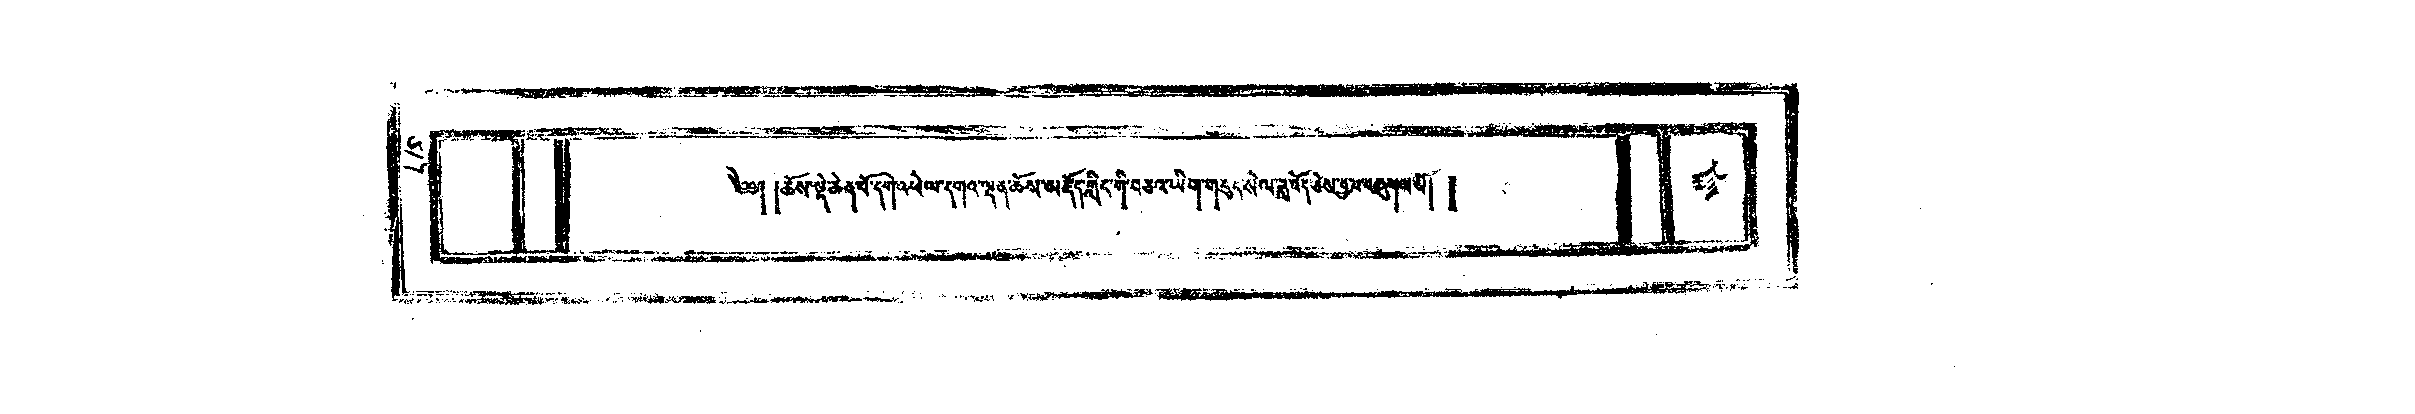༄༅། །ཆོས་སྡེ་ཆེན་པོ་དགེ་འཕེལ་དགའ་ལྡན་ཆོས་མཛོད་གླིང་གི་བཅའ་ཡིག་གདུང་སེལ་ཟླ་འོད་ཅེས་བྱ་བ་བཞུགས་སོ། །